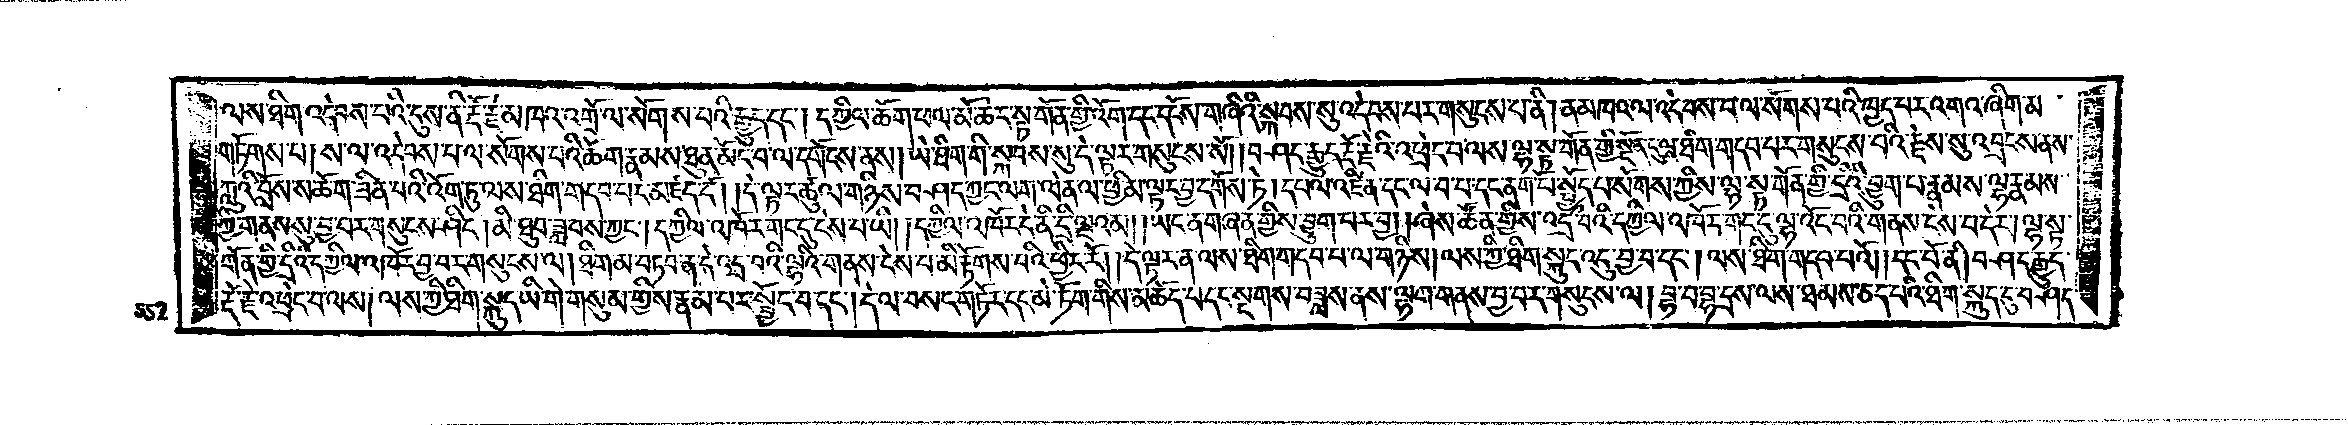ལས་ཐིག་འདེབས་པའི་དུས་ནི་རྡོ་རྗེ་མཁའ་འགྲོ་ལ་སོགས་པའི་རྒུད་དང་། དཀྱིལ་ཆོག་ཕལ་མོ་ཆེར་སྟ་གོན་གྱི་འོག་དང་དངོས་གཞིའི་སྐབས་སུ་འདེབས་པར་གསུངས་པ་ནི། ནམ་མཁའ་ལ་འདེབས་པ་ལ་སོགས་པའི་ཁྱད་པར་འགའ་ཞིག་མ་
གཏོགས་པ། ས་ལ་འདེབས་པ་ལ་སོགས་པའི་ཆོ་ག་རྣམས་ཐུན་མོང་བ་ལ་དགོངས་ནས། ཡི་ཐིག་གི་སྐབས་སུ་དེ་ལྟར་གསུངས་སོ། །བཤད་རྒྱུད་རྡོ་རྗེའི་འཕྲེང་བ་ལས་ལྷ་སྟེ་གོན་གྱི་སྔོན་དུ་ལས་ཐིག་གདབ་པར་གསུངས་པའི་རྗེས་སུ་འབྲངས་ནས་
ཀླུའི་བློས་ས་ཆོག་ཟིན་པའི་འོག་ཏུ་ལས་ཐིག་གདབ་པར་མཛད་དོ། །དེ་ལྟར་ཚུལ་གཉིས་བཤད་ཀྱང་ལག་ལེན་ལ་ཕྱི་མ་ལྟར་བྱ་དགོས་ཏེ། དཔལ་འཛིན་དང་ལ་བ་པ་དང་ནག་པོ་སྤྱོད་པ་སོགས་ཀྱིས་ལྷ་སྟ་གོན་གྱི་དྲིའི་བྱུག་པ་རྣམས་ལྷ་རྣམས་
ཀྱི་གནས་སུ་བྱ་བར་གསུངས་ཤིང་། མི་ཐུབ་ཟླ་བས་ཀྱང་། དཀྱིལ་འཁོར་གང་དུ་ངེས་པ་ཡི། །དཀྱིལ་འཁོར་དེ་ནི་དྲི་ལྔའམ། །ཡང་ན་གཞན་གྱིས་བྱུག་པར་བྱ། །ཞེས་ཚོན་གྱིས་འདྲ་བའི་དཀྱིལ་འཁོར་གང་དུ་ལྷ་འོང་བའི་གནས་ངེས་པ་དེར། ལྷ་སྟ་
གོན་གྱི་དྲིའི་དཀྱིལ་འཁོར་བྱ་བར་གསུངས་ལ། ཐིག་མ་བཏབ་ན་དེ་འདྲ་བའི་ལྷའི་གནས་ངེས་པ་མི་རྟོགས་པའི་ཕྱིར་རོ། །དེ་ལྟར་ན་ལས་ཐིག་གདབ་པ་ལ་གཉིས། ལས་ཀྱི་ཐིག་སྐུད་འདུ་བྱ་བ་དང་། ལས་ཐིག་གདབ་པའོ། །དང་པོ་ནི། བཤད་རྒྱུད་
རྡོ་རྗེ་འཕྲེང་བ་ལས། ལས་ཀྱི་ཐིག་སྐུད་ཡི་གེ་གསུམ་གྱིས་རྣམ་པར་སྦྱོང་བ་དང་། དེ་ལ་བསང་གཏོར་དང་མེ་ཏོག་གིས་མཆོད་པ་དང་སྔགས་བཟླས་ནས་ལྷག་གནས་བྱ་བར་གསུངས་ལ། བྷ་བ་བྷ་དྲ་ས་ལས་ཐམས་ཅད་པའི་ཐིག་སྐུད་དུ་བཤད་